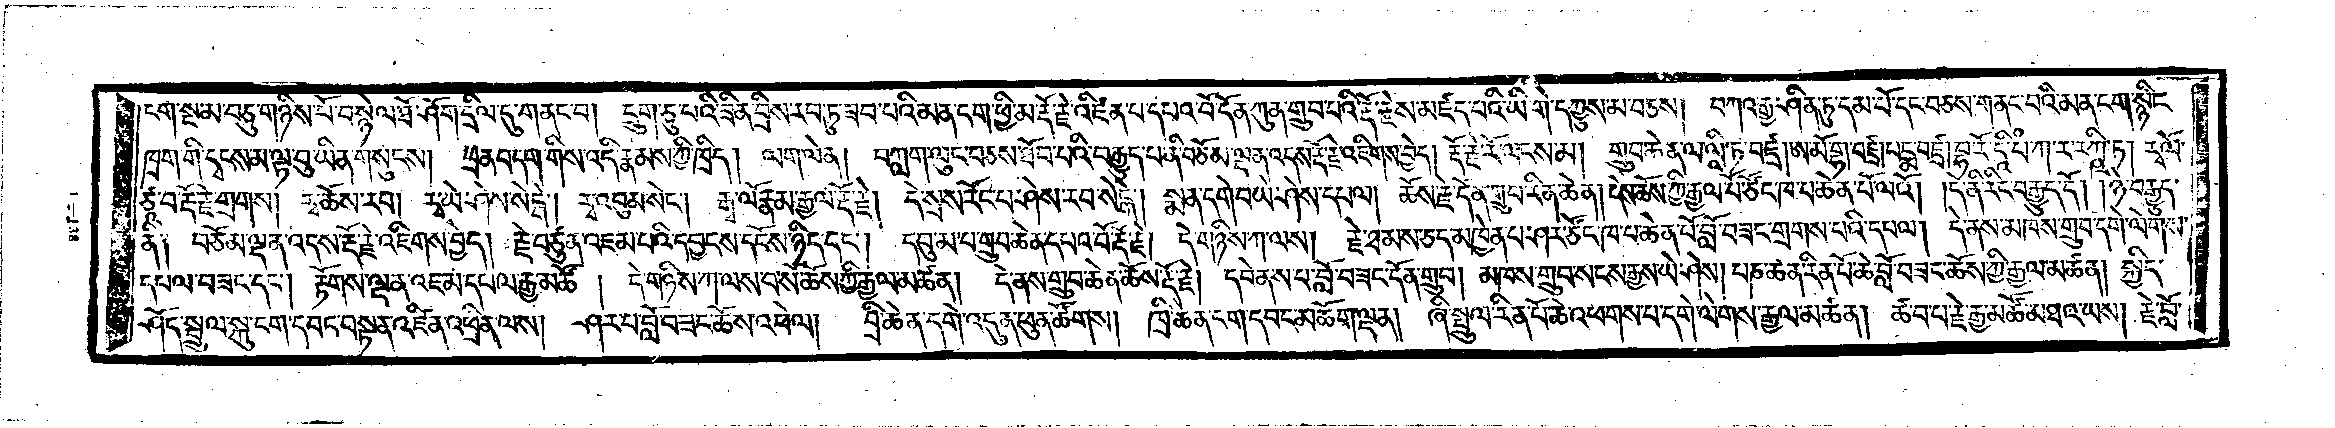ངག་སྔ་མ་བཅུ་གཉིས་པོ་བསྙེལ་པོ་ཐོ་ཤོག་དྲིལ་དུ་གནང་བ། དྲུག་ཅུ་པའི་ཟིན་བྲིས་རབ་ཏུ་ཟབ་པའི་མན་ངག་ཕྱི་མ་རྡོ་རྗེ་འཛིན་པ་དཔའ་བོ་དོན་ཀུན་གྲུབ་པའི་རྡོ་རྗེས་མཛད་པའི་ཡི་གེ་དཀྱུས་མ་བཅས། བཀའ་རྒྱ་ཤིན་ཏུ་དམ་པོ་དང་བཅས་གནང་བའི་མན་ངག་སྙིང་
ཁྲག་གི་དྭངས་མ་ལྟ་བུ་ཡིན་གསུངས། ཕྲན་བདག་གིས་འདི་རྣམས་ཀྱི་ཁྲིད། ལག་ལེན། བཀླག་ལུང་བཅས་ཐོབ་པའི་བརྒྱུད་པ་ནི་བཅོམ་ལྡན་འདས་རྡོ་རྗེ་འཇིགས་བྱེད། རྡོ་རྗེ་རོ་ལངས་མ། གྲུབ་ཆེན་ལ་ལཱི་ཏ་བཛྲ། ཨ་མོ་གྷ་བཛྲ། པདམ་བཛྲ། བྷ་རོ་དཱི་པཾ་ཀ་ར་རཀྵི་ཏ། རྭ་ལོ་
ཙཱ་བ་རྡོ་རྗེ་གྲགས། རྭ་ཆོས་རབ། རྭ་ཡེ་ཤེས་སེངྒེ། རྭ་འབུམ་སེང་། རྒྭ་ལོ་རྣམ་རྒྱལ་རྡོ་རྗེ། དེ་སྲས་རོང་པ་ཤེས་རབ་སེངྒེ། སྨན་དགེ་བ་ཡེ་ཤེས་དཔལ། ཆོས་རྗེ་དོན་གྲུབ་རིན་ཆེན། དེས་ཆོས་ཀྱི་རྒྱལ་པོ་ཙོང་ཁ་པ་ཆེན་པོ་ལའོ། །ད་ནི་རིང་བརྒྱུད་དོ། །ཉེ་བརྒྱུད་
ན༑ བཅོམ་ལྡན་འདས་རྡོ་རྗེ་འཇིགས་བྱེད། རྗེ་བཙུན་འཇམ་པའི་དབྱངས་དངོས་ཉིད་དང་། དབུ་མ་པ་གྲུབ་ཆེན་དཔའ་བོ་རྡོ་རྗེ། དེ་གཉིས་ཀ་ལས། རྗེ་ཐམས་ཅད་མཁྱེན་པ་ཤར་ཙོང་ཁ་པ་ཆེན་པོ་བློ་བཟང་གྲགས་པའི་དཔལ། དེ་ནས་མཁས་གྲུབ་དགེ་ལེགས་
དཔལ་བཟང་དང་། རྟོགས་ལྡན་འཇམ་དཔལ་རྒྱ་མཚོ། དེ་གཉིས་ཀ་ལས་བ་སོ་ཆོས་ཀྱི་རྒྱལ་མཚན། དེ་ནས་གྲུབ་ཆེན་ཆོས་རྡོ་རྗེ། དབེན་ས་པ་བློ་བཟང་དོན་གྲུབ། མཁས་གྲུབ་སངས་རྒྱས་ཡེ་ཤེས། པཎ་ཆེན་རིན་པོ་ཆེ་བློ་བཟང་ཆོས་ཀྱི་རྒྱལ་མཚན། སྐྱིད་
ཤོད་སྤྲུལ་སྐུ་ངག་དབང་བསྟན་འཛིན་འཕྲིན་ལས། ཤར་པ་བློ་བཟང་ཆོས་འཕེལ། བྲི་ཆེན་དགེ་འདུན་ཕུན་ཚོགས། ཁྲི་ཆེན་ངག་དབང་མཆོག་ལྡན། ཞི་སྤྲུལ་རིན་པོ་ཆེ་འཕགས་པ་དགེ་ལེགས་རྒྱལ་མཚན། ཚ་བ་པ་རྗེ་རྒྱ་མཚོ་མཐའ་ཡས། རྗེ་བློ་